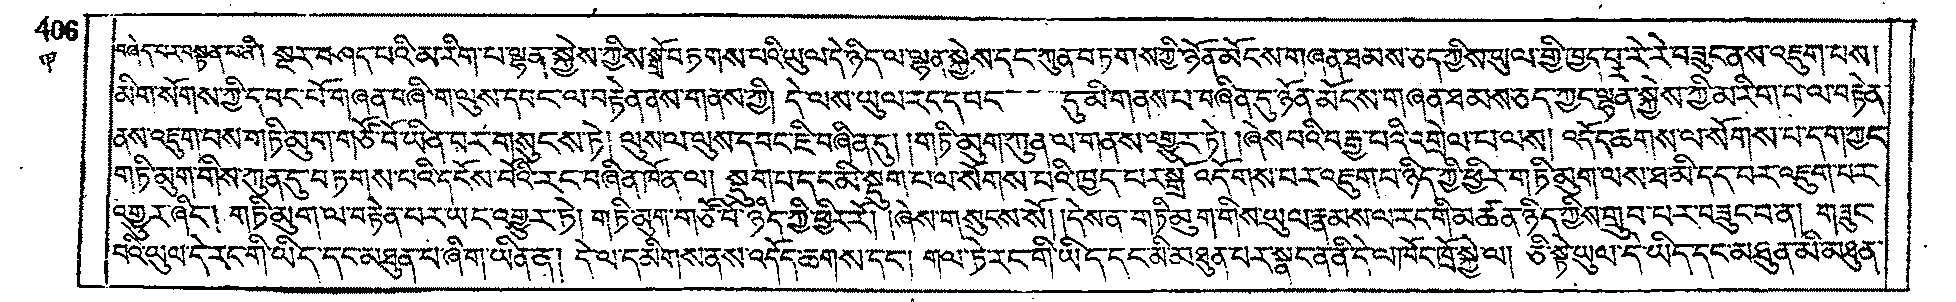བཞེད་པར་བསྟན་པ་ནི། སྔར་བཤད་པའི་མ་རིག་པ་ལྷན་སྐྱེས་ཀྱིས་སྒྲོ་བཏགས་པའི་ཡུལ་དེ་ཉིད་ལ་ལྷན་སྐྱེས་དང་ཀུན་བཏགས་ཀྱི་ཉོན་མོངས་གཞན་ཐམས་ཅད་ཀྱིས་ཡུལ་གྱི་ཁྱད་པར་རེ་རེ་བཟུང་ནས་འཇུག་པས།
མིག་སོགས་ཀྱི་དབང་པོ་གཞན་བཞི་ག་ལུས་དབང་ལ་བརྟེན་ནས་གནས་ཀྱི། དེ་ལས་ཡུལ་རང་དབངྡུ་མི་གནས་པ་བཞིན་དུ་ཉོན་མོངས་གཞན་ཐམས་ཅད་ཀྱང་ལྷན་སྐྱེས་ཀྱི་མ་རིག་པ་ལ་བརྟེན་
ནས་འཇུག་པས་གཏི་མུག་གཙོ་བོ་ཡིན་པར་གསུངས་ཏེ། ལུས་ལ་ལུས་དབང་ཇི་བཞིན་དུ། །གཏི་མུག་ཀུན་ལ་གནས་འགྱུར་ཏེ། །ཞེས་པའི་བརྒྱ་པའི་འགྲེལ་པ་ལས། འདོད་ཆགས་ལ་སོགས་པ་དག་ཀྱང་
གཏི་མུག་གིས་ཀུན་དུ་བཏགས་པའི་དངོས་པོའི་རང་བཞིན་ཁོ་ན་ལ། སྡུག་པ་དང་མི་སྡུག་པ་ལ་སོགས་པའི་ཁྱད་པར་སྒྲོ་འདོགས་པར་འཇུག་པ་ཉིད་ཀྱི་ཕྱིར་གཏི་མུག་ལས་ཐ་མི་དད་པར་འཇུག་པར་
འགྱུར་ཞིང་། གཏི་མུག་ལ་བརྟེན་པར་ཡང་འགྱུར་ཏེ། གཏི་མུག་གཙོ་བོ་ཉིད་ཀྱི་ཕྱིར་རོ། །ཞེས་གསུངས་སོ། །དེས་ན་གཏི་མུག་གིས་ཡུལ་རྣམས་ལ་རང་གི་མཚན་ཉིད་ཀྱིས་གྲུབ་པར་བཟུང་བ་ན། གཟུང་
བའི་ཡུལ་དེ་རང་གི་ཡིད་དང་མཐུན་པ་ཞིག་ཡིན་ན། དེ་ལ་དམིགས་ནས་འདོད་ཆགས་དང་། གལ་ཏེ་རང་གི་ཡིད་དང་མི་མཐུན་པར་སྣང་ན་ནི་དེ་ལ་ཁོང་ཁྲོ་སྐྱེ་ལ། ཅི་སྟེ་ཡུལ་དེ་ཡིད་དང་མཐུན་མི་མཐུན་